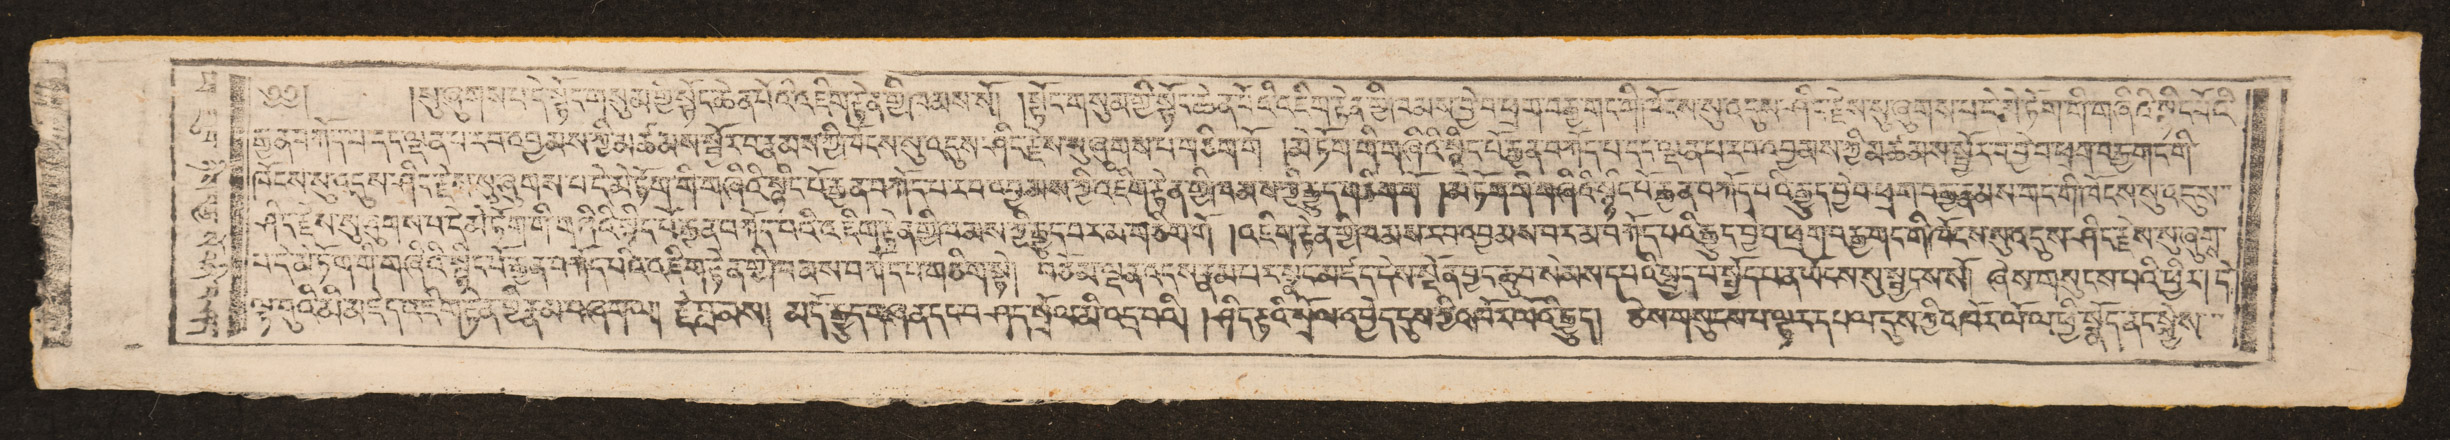༄༅། །སུ་ཞུགས་བདེ་སྟོང་གསུམ་གྱི་སྟོང་ཆེན་པོའི་འཇིག་རྟེན་གྱི་ཁམས་སོ། །སྟོང་གསུམ་གྱི་སྟོང་ཆེན་པོའི་འཇིག་རྟེན་གྱི་ཁམས་བྱེ་བ་ཕྲག་བརྒྱ་གང་གི་ཁོངས་སུ་དངུལ་ཤིང་རྗེས་སུ་ཞུགས་བདེ་མེ་ཏོག་གི་གཞིའི་སྙིང་པོའི་
རྒྱན་བཀོད་པ་དང་ལྡན་པ་རབ་འབྱམས་ཀྱི་མཚམས་སྦྱོར་བ་རྣམས་ཀྱི་ཁོངས་སུ་འདུས་ཤིང་རྗེས་སུ་ཞུགས་པ་གཅིག་གོ །མེ་ཏོག་གི་གཞིའི་སྙིང་པོ་རྒྱན་བཀོད་པ་དང་ལྡན་པ་རབ་འབྱམས་ཀྱི་མཚམས་སྦྱོར་བ་བྱེ་བ་ཕྲག་བརྒྱ་གང་གི་
ཁོངས་སུ་འདུས་ཤིང་རྗེས་སུ་ཞུགས་པ་དེ་མེ་ཏོག་གི་གཞིའི་སྙིང་པོ་རྒྱན་བཀོད་བ་རབ་འབྱམས་ཀྱི་འཇིག་རྟེན་གྱི་ཁམས་ཀྱི་རྒྱུད་གཅིག་གོ །མེ་ཏོག་གི་གཞིའི་སྙིང་པོ་རྒྱན་བཀོད་པའི་རྒྱུད་བྱེ་བ་ཕྲག་བརྒྱ་རྣམས་གང་གི་ཁོངས་སུ་འདུས་
ཤིང་རྗེས་སུ་ཞུགས་བདེ་མེ་ཏོག་གི་གཞིའི་སྙིང་པོ་རྒྱན་བཀོད་པའི་འཇིག་རྟེན་གྱི་ཁམས་ཀྱི་རྒྱུད་པར་མ་གཅིག་གོ །འཇིག་རྟེན་གྱི་ཁམས་རབ་འབྱམས་པར་མ་བཀོད་པའི་རྒྱུད་བྱེ་བ་ཕྲག་བརྒྱ་གང་གི་ཁོངས་སུ་འདུས་ཤིང་རྗེས་སུ་ཞུགས་
བ་དེ་མེ་ཏོག་གི་གཞིའི་སྙིང་པོ་རྒྱན་བཀོད་པའི་འཇིག་རྟེན་གྱི་ཁམས་བཀོད་པ་གཅིག་སྟེ། བཅོམ་ལྡན་འདས་རྣམ་པར་སྣང་མཛད་དེས་སྔོན་བྱང་ཆུབ་སེམས་དཔའི་སྤྱད་པ་སྤྱོད་པ་ན་ཡོངས་སུ་སྦྱངས་སོ། ཞེས་གསུངས་པའི་ཕྱིར། དེ་
ལྟ་བུའི་མི་མཇེད་འཇིག་རྟེན་གྱི་རྣམ་བཞག་ལ། རྗེ་བླ་མས། མདོ་རྒྱུད་གཞན་དང་བཤད་སྲོལ་མི་འདྲ་བའི། །ཤིང་རྟའི་སྲོལ་འབྱེད་དུས་ཀྱི་འཁོར་ལོའི་རྒྱུད། ཅེས་གསུངས་པ་ལྟར་དཔལ་དུས་ཀྱི་འཁོར་ལོ་ལ་ཕྱི་སྣོད་ནང་སྐྱེས་